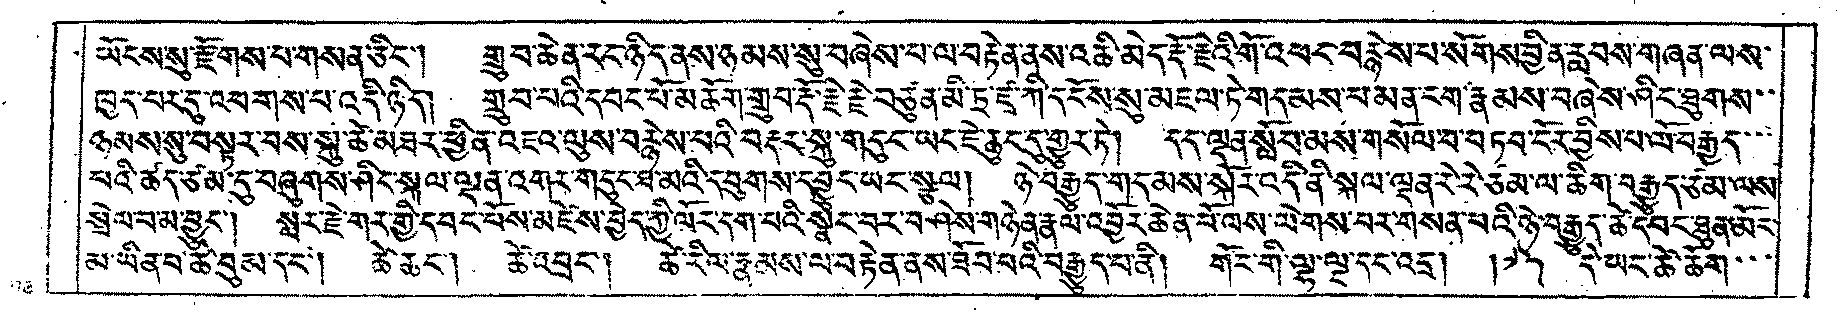ཡོངས་སུ་རྫོགས་པ་གསན་ཅིང་། གྲུབ་ཆེན་རང་ཉིད་ནས་ཉམས་སུ་བཞེས་པ་ལ་བརྟེན་ནས་འཆི་མེད་རྡོ་རྗེའི་གོ་འཕང་བརྙེས་པ་སོགས་བྱིན་རླབས་གཞན་ལས་
ཁྱད་པར་དུ་འཕགས་པ་འདི་ཉིད། གྲུབ་པའི་དབང་པོ་མཆོག་གྲུབ་རྡོ་རྗེ་བཙུན་མི་ཏྲ་ཛྭ་ཀི་དངོས་སུ་མཇལ་ཏེ་གདམས་པ་མན་ངག་རྣམས་བཞེས་ཤིང་ཐུགས་
ཉམས་སུ་བསྟར་བས་སྐུ་ཚེ་མཐར་ཕྱིན་འཇའ་ལུས་བརྙེས་པའི་བརྡར་སྐུ་གདུང་ཡང་ཇེ་ཆུང་དུ་གྱུར་ཏེ། དད་ལྡན་སློབ་མས་གསོལ་བ་བཏབ་ངོར་བྱིས་པ་ལོ་བརྒྱད་
པའི་ཚད་ཙམ་དུ་བཞུགས་ཤིང་སྐལ་ལྡན་འགར་གདུང་ཐ་མའི་དབུགས་དབྱུང་ཡང་སྩལ། ཉེ་བརྒྱུད་གདམས་སྐོར་འདི་ནི་སྐལ་ལྡན་རེ་རེ་ཙམ་ལ་ཆིག་བརྒྱུད་ཙམ་ལས་
སྤེལ་བ་མ་བྱུང་། སླར་རྗེ་གར་གྱི་དབང་པོས་མཛེས་བྱེད་ཀྱི་ལོར་དག་པའི་སྣང་བར་བཤེས་གཉེན་རྣལ་འབྱོར་ཆེན་པོ་ལས་ལེགས་པར་གསན་པའི་ཉེ་བརྒྱུད་ཚེ་དབང་ཐུན་མོང་
མ་ཡིན་པ་ཚེ་བུམ་དང་། ཚེ་ཆང་། ཚེ་འབྲང་། ཚེ་རིལ་རྣམས་ལ་བརྟེན་ནས་ཐོབ་པའི་བརྒྱུད་པ་ནི། གོང་གི་ལྷ་ལྔ་དང་འདྲ། །༧?་དེ་ཡང་ཚེ་ཆོག་